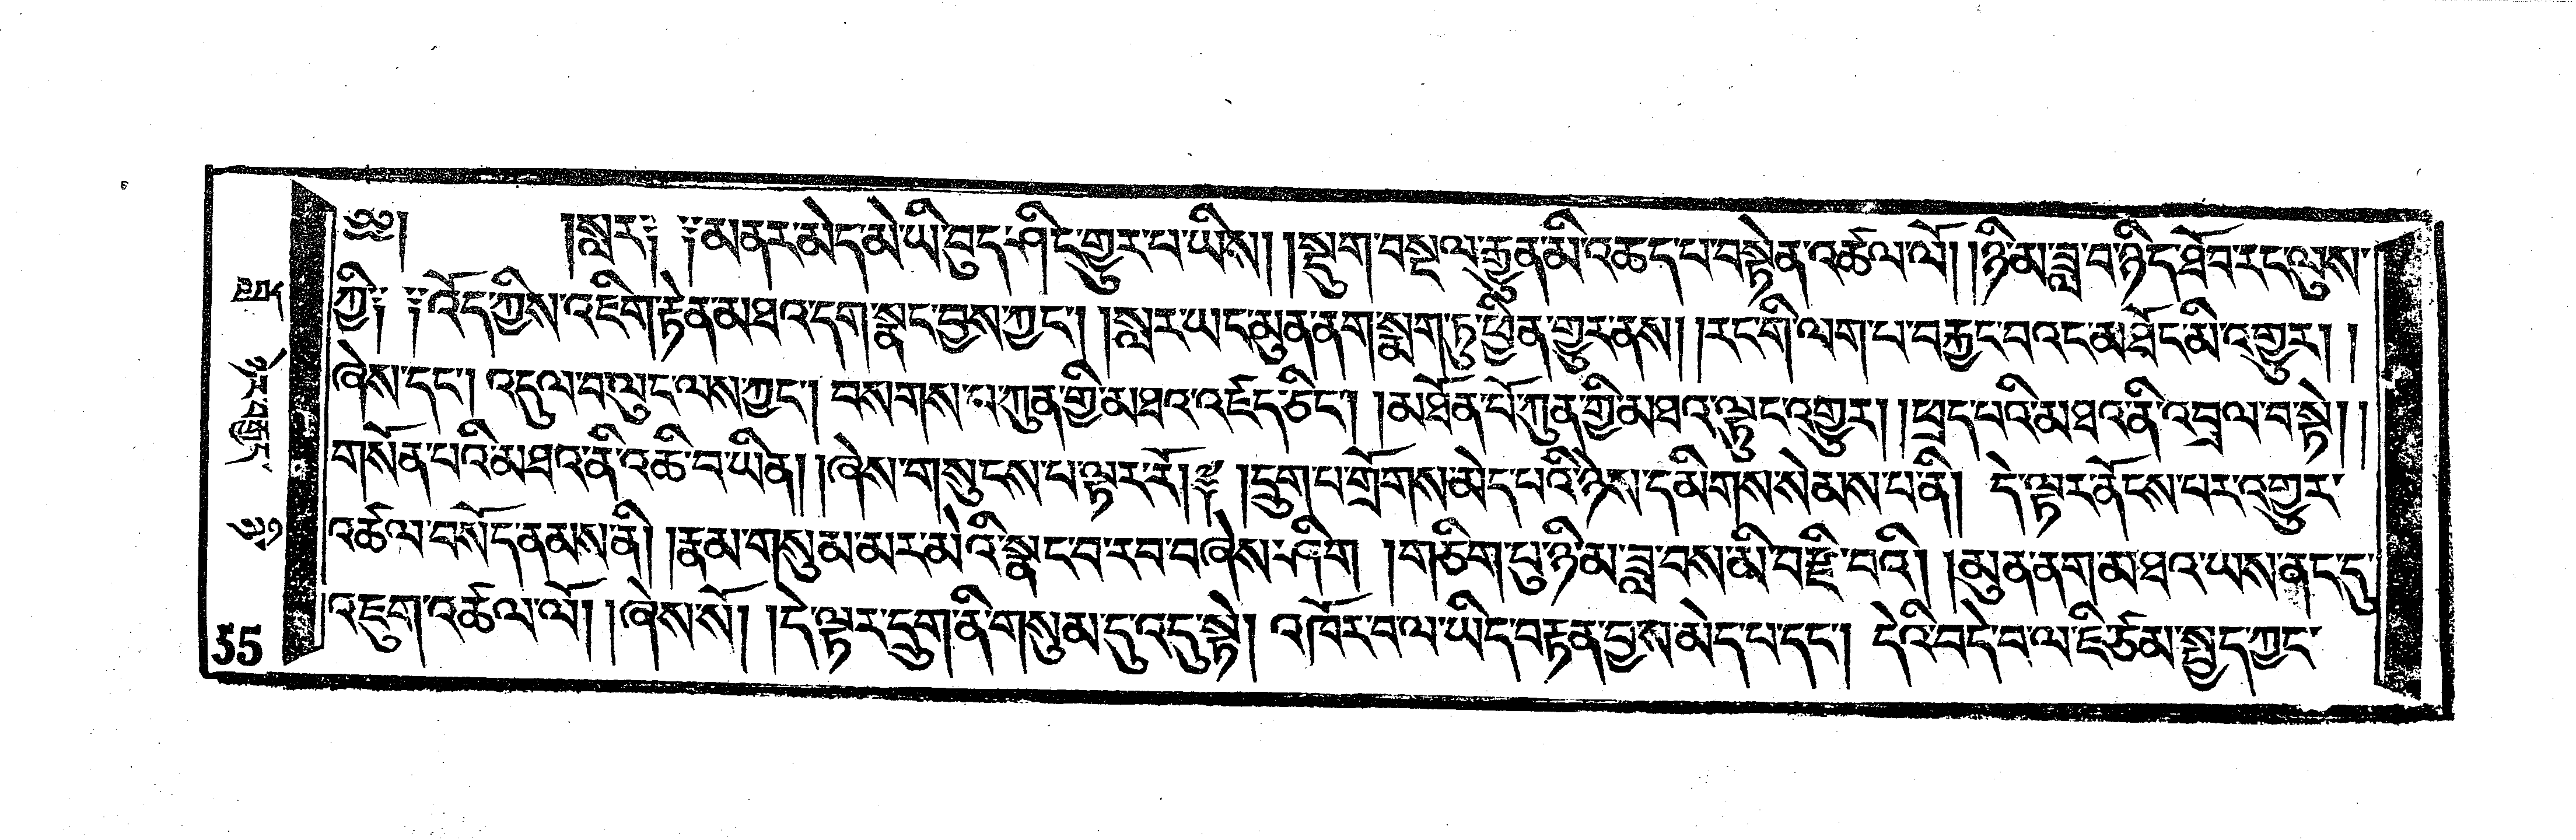༄༅། །སླར༑ ༑མནར་མེད་མེ་ཡི་བུད་ཤིང་གྱུར་པ་ཡིས། །སྡུག་བསྔལ་རྒྱུན་མི་འཆད་པ་བསྟེན་འཚལ་ལོ། །ཉི་མ་ཟླ་བ་ཉིད་ཐོབ་རང་ལུས་
ཀྱི༑ ༑འོད་ཀྱིས་འཇིག་རྟེན་མཐའ་དག་སྣང་བྱས་ཀྱང་། །སླར་ཡང་མུན་ནག་སྨག་ཏུ་ཕྱིན་གྱུར་ནས། །རང་གི་ལག་པ་བརྐྱང་བའང་མཐོང་མི་འགྱུར། །
ཞེས་དང་། འདུལ་བ་ལུང་ལས་ཀྱང་། བསགས་པ་ཀུན་གྱི་མཐའ་འཛད་ཅིང་། །མཐོན་པོ་ཀུན་གྱི་མཐའ་ལྟུང་འགྱུར། །ཕྲད་པའི་མཐའ་ནི་འབྲལ་བ་སྟེ། །
གསོན་པའི་མཐའ་ནི་འཆི་བ་ཡིན། །ཞེས་གསུངས་པ་ལྟར་རོ། ༈ །དྲུག་པ་གྲོགས་མེད་པའི་ཉེས་དམིགས་སེམས་པ་ནི། དེ་ལྟར་ནོངས་པར་འགྱུར་
འཚལ་བསོད་ནམས་ནི། །རྣམ་གསུམ་མར་མེའི་སྣང་བ་རབ་བཞེས་ཤིག །གཅིག་པུ་ཉི་མ་ཟླ་བས་མི་བརྫི་བའི། །མུན་ནག་མཐའ་ཡས་ནང་དུ་
འཇུག་འཚལ་ལོ། །ཞེས་སོ། །དེ་ལྟར་དྲུག་ནི་གསུམ་དུ་འདུ་སྟེ། འཁོར་བ་ལ་ཡིད་བརྟན་བྱས་མེད་པ་དང་། དེའི་བདེ་བ་ལ་ཇི་ཙམ་སྤྱད་ཀྱང་